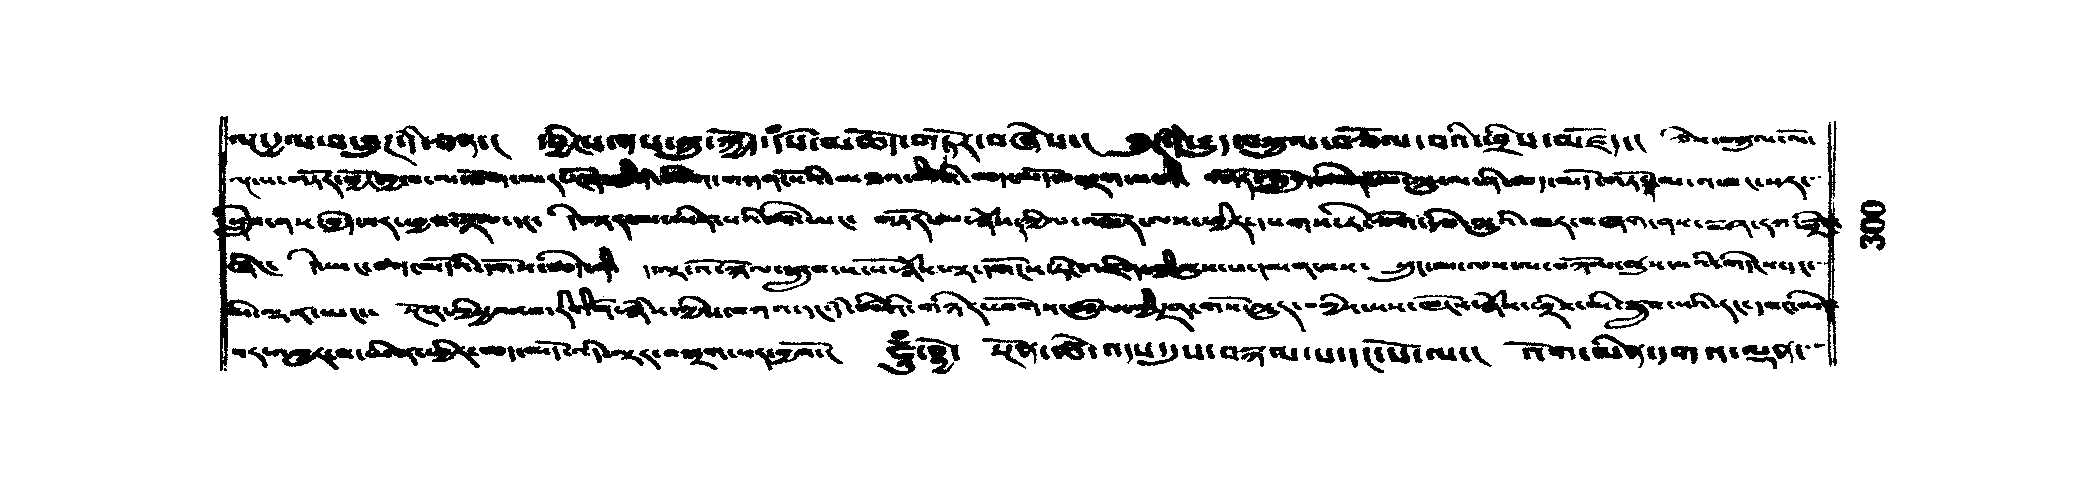ལྔ་རྒྱལ་བ་ཐུགས་དམ་ཅན། །དབྱིངས་ནས་སྐུ་བསྐྱོད་དམ་རྫས་མཆོད་གཏོར་བཞེས། །ཐུགས་དམ་རྒྱུད་བསྐུལ་བཅོལ་བའི་ཕྲིན་ལས་མཛོད། །ཅེས་བསྐུལ་ལོ། 
ལྔ་པ་གཏོར་སྐྱོང་བྱ་བ་ལ་སྔོན་གྱི་དམ་ཚིག་གཉན་པོའི་མཐའ་ཐིག་ལེ་ཆད་མདོ་བསྒྲག་པ་ནི། གཏོར་ཟློག་ཆེན་མོ་སྐ་ལ་ནི་ཆད་མདོ་གཏོར་མ་འཕང་སར་
སླེབས་ནས་བྱེད་པར་ཕྱག་སྲོལ་དང་། དེ་ལྟར་མ་ཡིན་པའི་ཚེ་ཡང་གཏོར་མ་རྣམས་དཀྱིལ་འཁོར་ལས་ཕྱིར་དཔགས་ཏེ་རྩོག་རྩེ་ལྟ་བུའི་ཁར་བཞག་ནས་སྨན་རག་སྦྲེང་
ཞིང་། དེ་ཡང་ཆད་མདོའི་དགོས་ཆེད་ནི། ད་ལྟ་འོ་སྐོལ་སྒྲུབ་པ་པོ་རྣམས་ལྟ་དགོངས་ཏིང་འཛིན་གྱི་ནུས་པ་དམན་པས་སྲུང་མ་ལས་ལ་བཀོལ་ནུས་པའི་གདེངས་དང་
མི་ལྡན་ཡང་།སྔོན་གྱི་རྒྱལ་བ་རིག་འཛིན་རྣམས་ཀྱིས་བཀའ་དང་དམ་ཚིག་གི་གཉེར་ཕོགས་ཚུལ་གྱི་དྲན་གསོ་ལྟ་བུར་བགྱིད་པས་ཁོང་རྣམས་ཕྲིན་ལས་མི་སྒྲུབ་པའི་རང་དབང་མེད་
པར་འགྱུར་བ་ཡིན་ཕྱིར་ཆད་མདོ་འདི་ལྟར་བསྒྲག་པར་བྱའོ། ཧཱུྃ་བྷྱོ། སྔོན་ཚེ་འདས་དུས་བསྐལ་པ་དང་པོ་ལ། །འོག་མིན་དགའ་ལྡན་